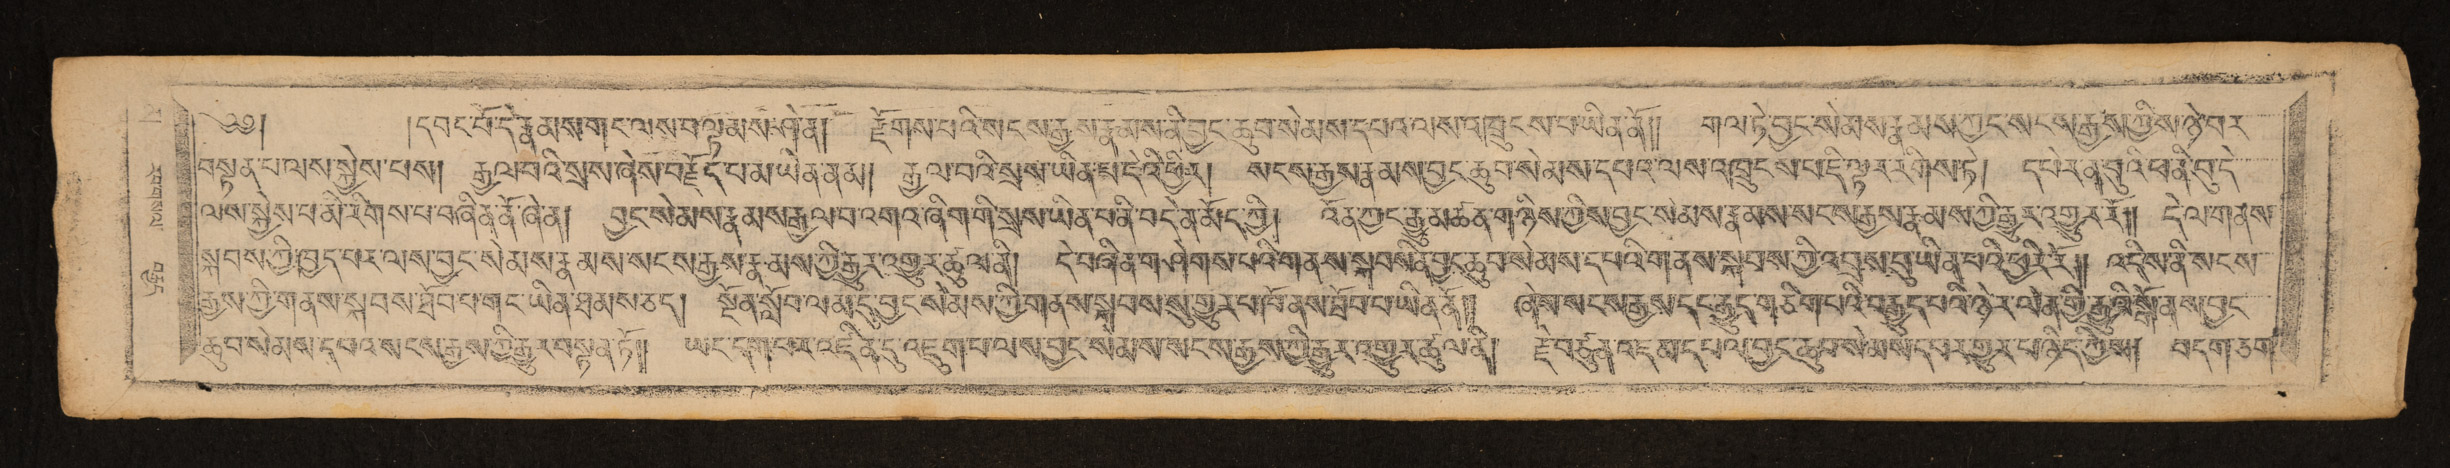༄༅། །དབང་པོ་དེ་རྣམས་གང་ལས་བལྟམས་ཤེ་ན། རྫོགས་པའི་སངས་རྒྱས་རྣམས་ནི་བྱང་ཆུབ་སེམས་དཔའ་ལས་འཁྲུངས་པ་ཡིན་ནོ།། གལ་ཏེ་བྱང་སེམས་རྣམས་ཀྱང་སངས་རྒྱས་ཀྱིས་ཉེ་བར་
བསྟན་པ་ལས་སྐྱེས་པས། རྒྱལ་བའི་སྲས་ཞེས་བརྗོད་པ་མ་ཡིན་ནམ། རྒྱལ་བའི་སྲས་ཡིན་པ་དེའི་ཕྱིར། སངས་རྒྱས་རྣམས་བྱང་ཆུབ་སེམས་དཔའ་ལས་འཁྲུངས་པ་ཇི་ལྟར་རིགས་ཏེ། དཔེར་ན་བུའི་ཕ་ནི་བུ་དེ་
ལས་སྐྱེས་པ་མི་རིགས་པ་བཞིན་ནོ་ཞེ་ན། བྱང་སེམས་རྣམས་རྒྱལ་བ་འགའ་ཞིག་གི་སྲས་ཡིན་པ་ནི་བདེན་མོད་ཀྱི། འོན་ཀྱང་རྒྱུ་མཚན་གཉིས་ཀྱིས་བྱང་སེམས་རྣམས་སངས་རྒྱས་རྣམས་ཀྱི་རྒྱུར་འགྱུར་རོ།། དེ་ལ་གནས་
སྐབས་ཀྱི་ཁྱད་པར་ལས་བྱང་སེམས་རྣམས་སངས་རྒྱས་རྣམས་ཀྱི་རྒྱུར་འགྱུར་ཚུལ་ནི། དེ་བཞིན་གཤེགས་པའི་གནས་སྐབས་ནི་བྱང་ཆུབ་སེམས་དཔའི་གནས་སྐབས་ཀྱི་འབྲས་བུ་ཡིན་པའི་ཕྱིར་རོ།། འདིས་ནི་སངས་
རྒྱས་ཀྱི་གནས་སྐབས་ཐོབ་པ་གང་ཡིན་ཐམས་ཅད། སྔོན་སློབ་ལམ་དུ་བྱང་སེམས་ཀྱི་གནས་སྐབས་སུ་གྱུར་པ་ཁོ་ནས་ཐོབ་པ་ཡིན་ནོ།། ཞེས་སངས་རྒྱས་དང་རྒྱུད་གཅིག་པའི་བརྒྱུད་པའི་ཉེར་ལེན་གྱི་རྒྱུའི་སྒོ་ནས་བྱང་
ཆུབ་སེམས་དཔའ་སངས་རྒྱས་ཀྱི་རྒྱུར་བསྟན་ནོ།། ཡང་དག་པར་འཛིན་དུ་འཇུག་པ་ལས་བྱང་སེམས་སངས་རྒྱས་ཀྱི་རྒྱུར་འགྱུར་ཚུལ་ནི། རྗེ་བཙུན་འཇམ་དཔལ་བྱང་ཆུབ་སེམས་དཔར་གྱུར་པ་ཉིད་ཀྱིས། བདག་ཅག་